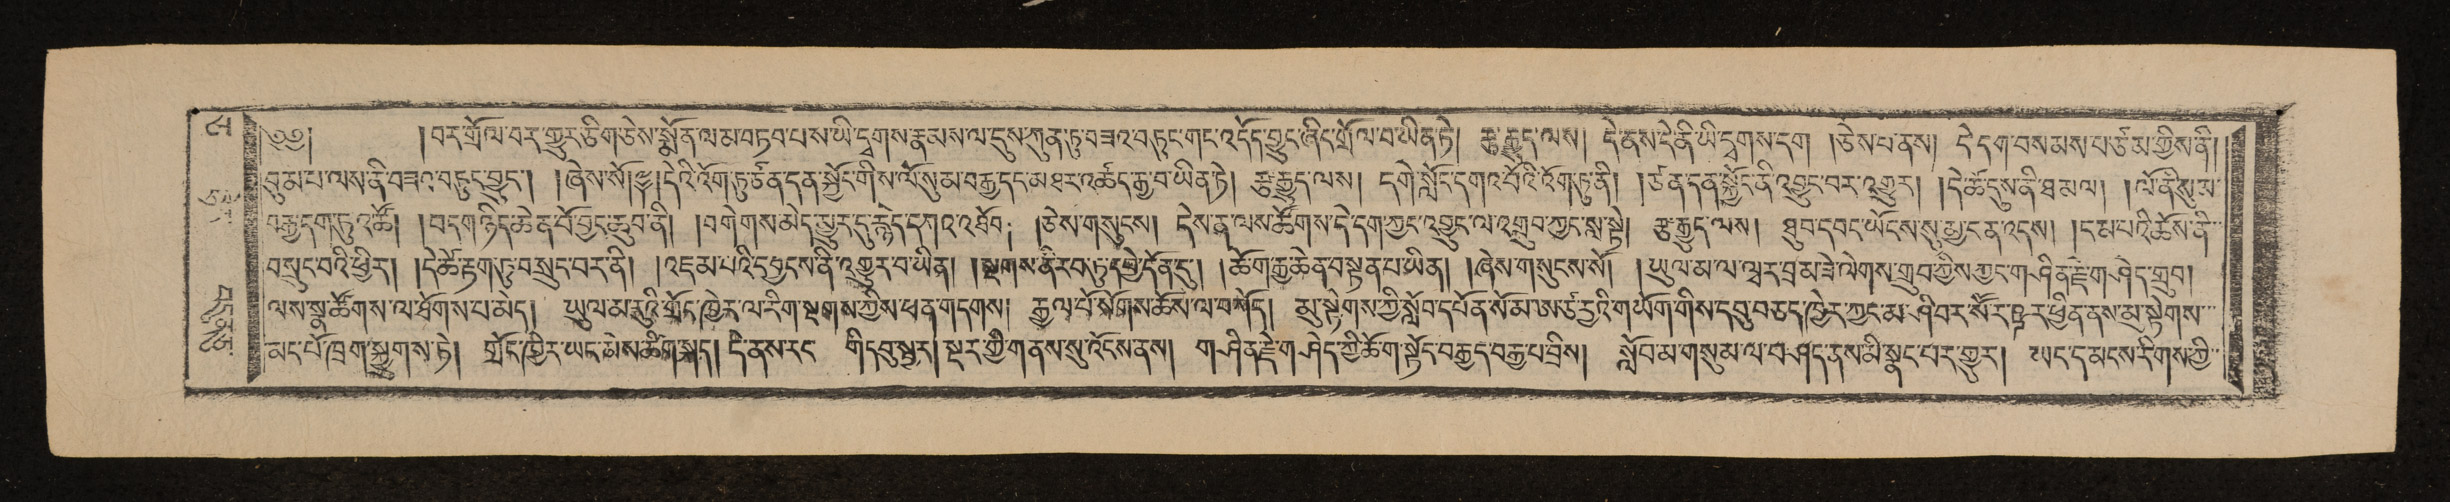༄༅། །བར་གྲོལ་བར་གྱུར་ཅིག་ཅེས་སྨོན་ལམ་བཏབ་པས་ཡི་དྭགས་རྣམས་ལ་དུས་ཀུན་ཏུ་བཟའ་བཏུང་གང་འདོད་བྱུང་ཞིང་གྲོལ་བ་ཡིན་ཏེ། རྩ་རྒྱུད་ལས། དེ་ནས་དེ་ནི་ཡི་དྭགས་དག །ཅེས་པ་ནས། དེ་དག་བསམས་པ་ཙམ་གྱིས་ནི།
བུམ་པ་ལས་ནི་བཟའ་བཏུང་བྱུང་། །ཞེས་སོ། ༈ །དེའི་འོག་ཏུ་ཙན་དན་སྐྱོང་གིས་ལོ་སུམ་བརྒྱ་དང་མཐར་འཚང་རྒྱ་བ་ཡིན་ཏེ། རྩ་རྒྱུད་ལས། དགེ་སློང་དགའ་བོའི་འོག་ཏུ་ནི། །ཙན་དན་སྐྱོང་ནི་འབྱུང་བར་འགྱུར། །དེ་ཚེ་དུས་ནི་ཐ་མ་ལ། །ལོ་ནི་སུམ་
བརྒྱ་དག་ཏུ་འཚོ། །བདག་ཉིད་ཆེན་པོ་བྱང་ཆུབ་ནི། །བགེགས་མེད་མྱུར་དུ་རྙེད་དཀའ་འཐོབ། །ཅེས་གསུངས། དེས་ན་ལས་ཚོགས་དེ་དག་ཀྱང་འབྱུང་ལ་འགྲུབ་ཀྱང་སླ་སྟེ། རྩ་རྒྱུད་ལས། ཐུབ་དབང་ཡོངས་སུ་མྱ་ངན་འདས། །དམ་པའི་ཆོས་ནི་
བསྲུང་བའི་ཕྱིར། །དེ་ཚེ་རྟག་ཏུ་བསྲུང་བར་ནི། །འཇམ་པའི་དབྱངས་ནི་འགྱུར་བ་ཡིན། །སྔགས་ནི་རབ་ཏུ་དབྱེ་དོན་དུ། །ཆོ་ག་རྒྱ་ཆེན་བསྟན་པ་ཡིན། །ཞེས་གསུངས་སོ། །ཡུལ་མ་ལ་ལྭར་བྲམ་ཟེ་ལེགས་གྲུབ་ཀྱིས་ཀྱང་གཤིན་རྗེ་གཤེད་གྲུབ།
ལས་སྣ་ཚོགས་ལ་ཐོགས་པ་མེད། ཡུལ་མ་རུའི་གྲོང་ཁྱེར་ལ་རིག་སྔགས་ཀྱིས་ཕན་གདགས། རྒྱལ་པོ་སོགས་ཆོས་ལ་བཀོད། མུ་སྟེགས་ཀྱི་སློབ་དཔོན་སོ་མ་ཨ་ཙརྱའི་གཡོག་གིས་དབུ་བཅད་ཁྱེར་ཀྱང་མ་ཤི་བར་སཽ་རཥྜར་ཕྱིན་ནས་མུ་སྟེགས་
མང་པོ་ཁྲག་སྐྱུགས་ཏེ། གྲོང་ཁྱེར་ཡང་མེས་ཚིག་སྐད། དེ་ནས་རང་གི་དབུ་སྦྱར། སྔར་གྱི་གནས་སུ་འོངས་ནས། གཤིན་རྗེ་གཤེད་ཀྱི་ཆོ་ག་སྟོང་བརྒྱད་བརྒྱ་པ་བྲིས། སློབ་མ་གསུམ་ལ་བཤད་ནས་མི་སྣང་པར་གྱུར། ཡང་དམངས་རིགས་ཀྱི་